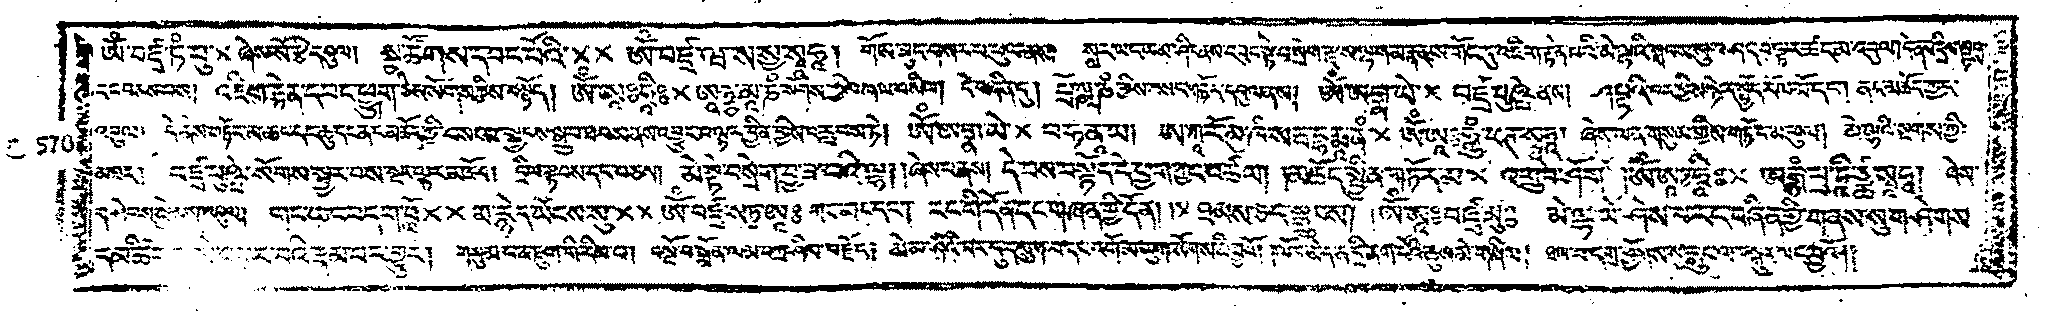ཨོཾ་བཛྲ་ཏཾ་བུ་྾་ཞེས་སོ་རྩི་དབུལ།  སྣ་ཚོགས་དབང་པོའི་྾་྾་ཨོཾ་བཛྲ་ཝ་ས་སྱ་སྭཱཧཱ། གོས་ཟུང་གསར་པ་ཕུལ་ནས། སླར་ཡང་མམ་ཤིང་ནས་བཟུང་སྟེ་བསྲེག་རྫས་ལྷག་མ་རྣམས་གོང་དུ་འཇིག་རྟེན་པའི་མེ་ལྷའི་སྐབས་སུ་བཤད་བལྟར་ཚང་མ་འབུལ། དེ་ན་བདྲིས་སྟགས་
དང་བཅས་པས། འཇིག་རྟེན་དབང་ཕྱུག་ཅེས་སོགས་ཀྱིས་བསྟོད།  ཨོཾ་ཨཱཿཧྲཱིཿ ྾་ཨཱཉྩ་མཱ་ཎཾ་སོགས་ཀྱིས་ཞལ་བསིལ། དེ་བཞིན་དུ།  པྲོཀྵ་ཎཾ་གྱིས་བསང་གཏོར་དབུལ་ནས།  ཨོཾ་ཨགན་ཡེ་྾་བཛྲ་པུཥྤེ་ནས། ཤཔྟའི་བར་གྱིས་ཉེར་སྤྱོད་རོལ་མོ་དང་། ནང་མཆོད་ཀྱང་
འབུལ། དེ་ནས་གཏོར་མ་ཆང་དང་ཆུ་དང་ནང་མཆོད་ཀྱི་བསངས་སྦྱངས་སྒྲུབ་ཐབས་ནས་འབྱུང་བ་ལྟར་བྱིན་གྱིས་བརླབས་ཏེ། ཨོཾ་ཨགན་ཡེ་྾་བཧ་ནཱ་ཡ། ཨ་ཀཱ་རོ་མུ་ཁཾས་སརྦ་དྷ་རྨཱ་ནཾ་྾་ཨོཾ་ཨཱཿཧཱུཾ་ཕཊ་སྭཱཧཱ། ཞེས་ལན་གསུམ་གྱིས་གཏོར་མ་ཕུལ། མེ་ལྷའི་སྔགས་ཀྱི་
མཐར། བཛྲ་པུཥྤེ་སོགས་སྦྱར་བས་སྔར་ལྟར་མཆོག །བྲིལ་སྟབས་དང་བཅས།  མེ་སྟེ་བསྲེག་བྱ་ཟ་བའི་ལྷ། །ཞེས་པ་ནས།  དེ་བས་བསྟོད་དེ་ཕྱག་ཀྱང་འཚལ། །མཆོད་སྦྱིན་གཏོར་མ་྾་འགྲུབ་ཤོག །ཨོཾ་ཨཱཿཧྲཱིཿ ྾་ཨགཉྩ?་པྲ་ཏཱི་ཙྪ་སྭཱཧཱ། ཞེས་
གཤེགས་སྐྱེམས་འབུལ། གང་ཡང་བདག་བློ་྾་྾་མ་རྙེད་ཡོངས་སུ་྾་྾་ཨོཾ་བཛྲ་ས་ཏྭ་ཨཱཿ གང་མང་དང་།  རང་གི་དོན་དང་གཞན་གྱི་དོན། །྾་ཐམས་ཅད་སྒྲུབས། །ཨོཾ་ཨཱཿབཛྲ་མུཿ མེ་ལྷ་ཡེ་ཤེས་པ་རང་བཞིན་གྱི་གནས་སུ་གཤེགས་
དམ་ཚིག་པ་མེ་འབར་བའི་རྣམ་པར་གྱུར། གསུམ་པ་ན་མཇུག་གི་རིམ་བ། བསྔོ་བ་སྨོན་ལམ་བཀྲ་ཤིས་བརྗོད། མེ་མ་ཤིའི་བར་དུ་དཀྲུག་པ་དང་འགོམ་ཡུག་སོགས་མི་བྱའོ། །ལོང་མེད་ན་དྲི་ནག་པོའི་ཆུས་མེ་གཞིལ། ཐལ་པ་དགྲ་ཕྱོགས་སུ་རླུང་ལ་བསྐུར་ལང་བྱའོ།།